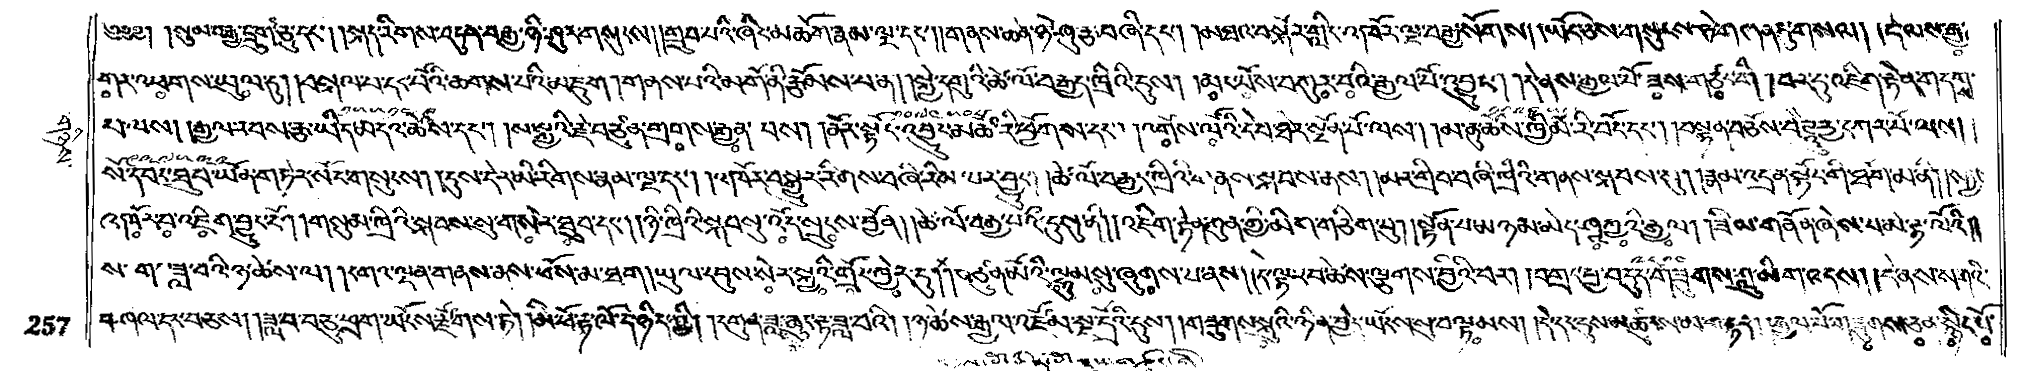༄༅༅། །སུམ་བརྒྱ་དྲུག་ཅུ་དང་། །སྐད་རིགས་བདུན་བརྒྱ་ཉི་ཤུར་གསུངས། །གྲུབ་པའི་ཞིང་མཆོག་རྣམ་ལྔ་དང་། །གནས་ཆེན་ཉི་ཤུ་རྩ་བཞི་དང་། །མཐའ་བསྐོར་གླིང་འཁོར་ལྔ་བརྒྱ་སོགས། །ཡོང་ཅེས་གསུངས་ཏེ་གཞན?་ཏུ་གསལ། །དེ་ལས་རྒྱ།
གར་འཕགས་ཡུལ་དུ། །བསྐལ་བ་དང་པོའི་ཆགས་པའི་མཇུག །གནས་པའི་མགོ་ནི་རྩོམས་པ་ན། །སྐྱེ་དགུའི་ཚེ་ལོ་བརྒྱད་ཁྲིའི་དུས། །མང་པོས་བཀུར་བའི་རྒྱལ་བོ་འབྱུང་། །དེ་ནས་རྒྱལ་པོ་ཟས་གཙང་གི །བར་དུ་འཇིག་རྟེན་གདགས་
པ་ལས། །རྒྱལ་རབས་རྩ་ཡིད་མདའ་ཚེས་དང་། །ས་སྐྱའི་རྗེ་བཙུན་གྲགས་རྒྱན་པས། །ནོར་སྟོང་འབྱུང་མཚོ་རི་ཕྱོགས་དང་། །འགོས་ལོའི་དཔེ་ཐེར་སྔོན་པོ་ལས། །མ་ནུ་ཆོས་ཁྱི་མོ་རི་བོད་དང་། །བསྟན་བཅོས་བཻཊཱུརྱ་དཀར་པོ་ལས།།
སོ་དབང་ཐུབ་ཡོན་གཏེར་སོང་གསུངས། །དུས་དེར་མི་རིགས་རྣམ་ལྔ་དང་། །འཁོར་བསྒྱུར་རིགས་བཞི་རིམ་པར་བྱུང་། །ཚེ་ལོ་བརྒྱད་ཁྲིའི་གནས་སྐབས་ནས། །མར་གྲིབ་བཞི་ཁྲིའི་གནས་སྐབས་སུ། །རྣམ་འདྲན་སྟོང་གི་ཐོག་མ་ནི། སངས་རྒྱས་
འཁོར་བ་འཇིག་བྱུང་ངོ། །གསུམ་ཁྲིའི་སྐབས་སུ་གསེར་ཐུབ་དང་། །ཉི་ཁྲིའི་སྐབས་སུ་འོད་སྲུངས་བྱོན། །ཚེ་ལོ་བརྒྱ་པའི་དུ་སུ་ནི། །འཇིག་རྟེན་ཀུན་གྱི་མིག་གཅིག་པུ། །སྟོན་པ་མཉམ་མེད་ཤཱཀྱའི་རྒྱལ། །ཟིལ་གནོན་ཞེས་པ་མེ་རྟ་ལོའི།།
ས་ག་ཟླ་བའི་ཉ་ཚེས་ལ། །དགའ་ལྡན་གནས་ནས་ཕོས་མ་ཐག། ཡུལ་དབུས་སེར་སྐྱའི་གྲོང་ཁྱེར་དུ། བྱལ?་པའི?་རིན་པོ་ལྔས?་གཅང་གི་།བཙུན་མོའི་ལྷུམ་སུ་ཞུགས་པ་ནས། །དེ་ལྟ་རབ་ཚེས་ལྕགས་བྱིའི་བར། །བགྲང་བྱ་བདུད་གཟུགས་ཀླུ་མིག་འདས། །དེ་ནས་ས་གའི་
བཤལ་དང་བཅས། །ཟླ་བ་བཅུ་ཕྲག་ཡོངས་རྫོགས་ཏེ། །མི་ཕོ་རྟ་ལོ་དེ་ཉིད་ཀྱི། །དགུན་ཟླ་ནུང་རྟ་ཟླ་བའི། །ཉ་ཚེས་རྒྱལ་འཛོམ་སྔ་དྲོའི་དུས། །གཟུགས་སྐུའི་ཉིན་བྱེད་ཡོངས་སུ་བལྟམས། །དེ་དང་དུས་མཚུངས་མ་གདྷར། །རྒྱལ་པོ་གཟུགས་ཅན་སྙིང་བོ་